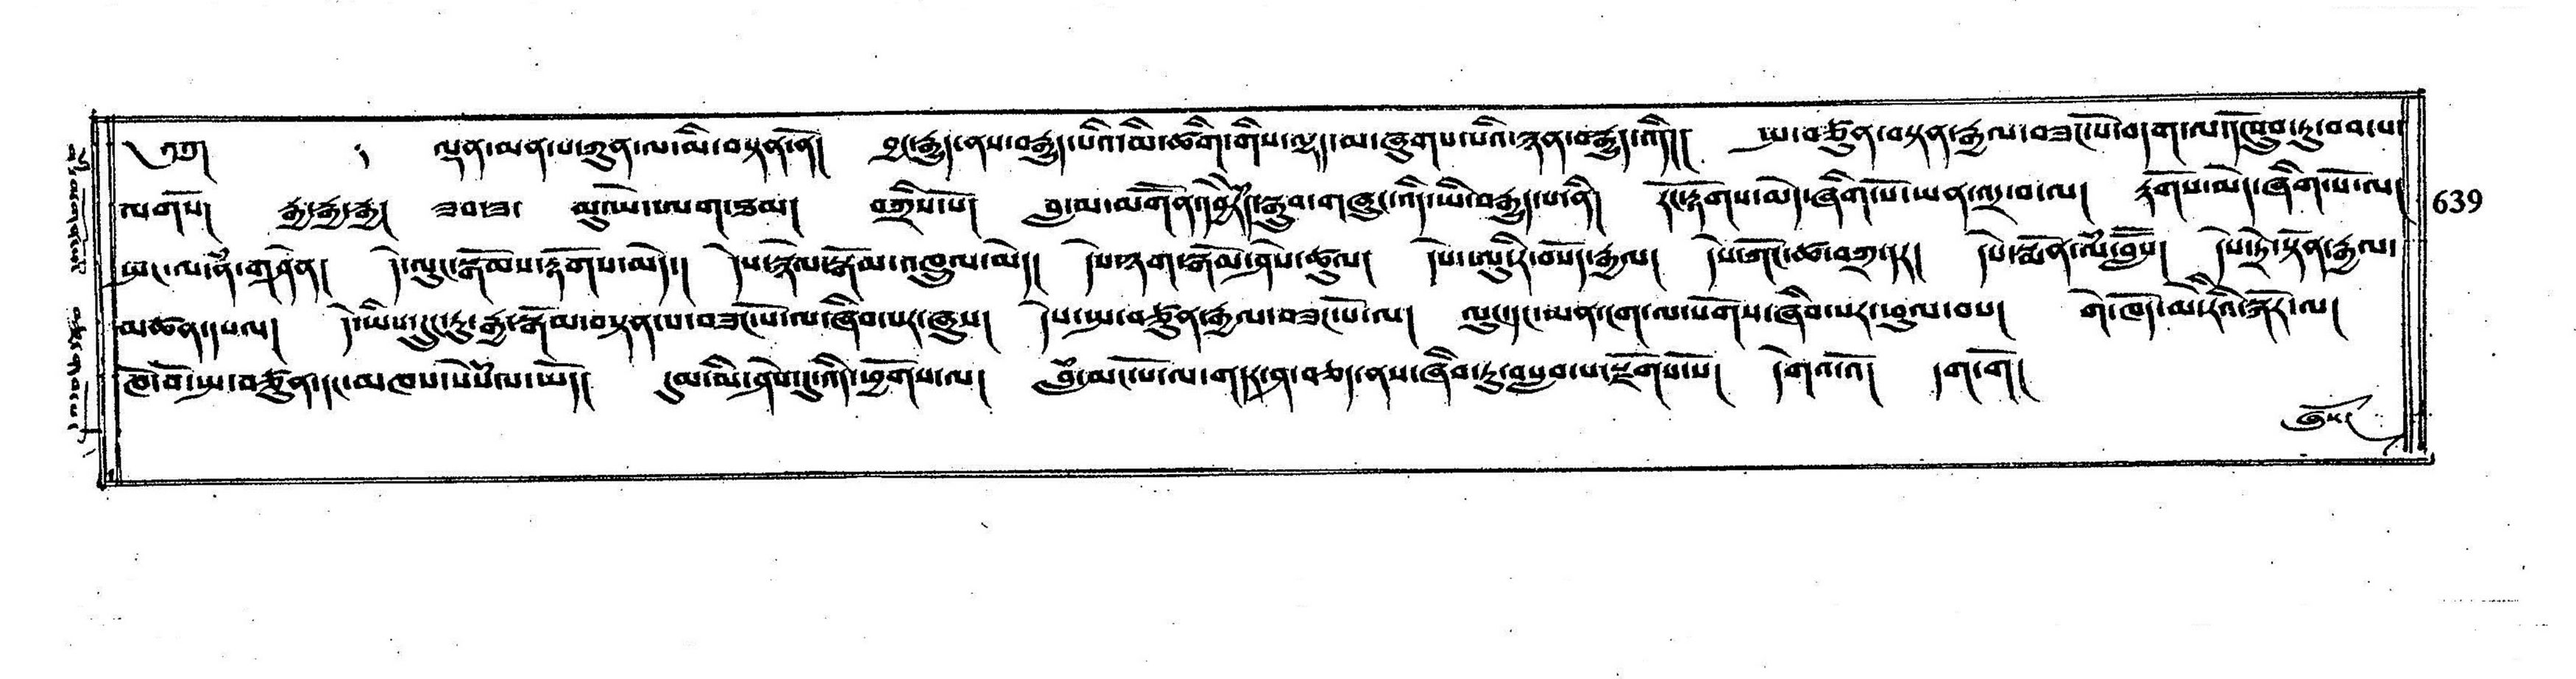ལྡན་མན་པ་ཀུན་ལ་མི་བསྟན་ནོ། བྱ་རྒྱུད་ནས་བརྒྱུད་པའི་མི་ཚིག་གིས་ལྷད་མ་ཞུགས་པའི་སྙན་བརྒྱུད་འདི། སྤ་བཙུན་བསྟན་རྒྱལ་བཟང་པོ་བདག་ལ་དངོས་གྲུབ་ཏུ་བབ་པ་
ལགས་སོ། རྒྱ་རྒྱ་རྒྱ། ཟབ་ཟ་མུ་ཡེ་ཨག་ཐམ། བཀྲ་ཤིས་སོ། བླ་མ་མགོན་པོ་དབྱེར་མེད་སྒྲུབ་གཞུང་འདི་ཡི་བརྒྱུད་པ་ནི། རོང་རྟོག་མེད་ཞིག་པོ་ཡན་འདྲ་བ་ལ། རྟོག་མེད་ཞིག་པོ་ལ། 
སྤང་ལ་ནམ་གཤེན། དེ་ལུང་སྒོམ་རྟོག་མེད། དེས་སྙེལ་སྒོམ་འཁྲུལ་མེད། དེས་ཉག་སྒོམ་ཤེལ་ཚུལ། དེས་ཨུ་རི་བསོད་རྒྱལ། དེས་ཀོང་ཚ་བཀྲ་དར། དེས་སྨོན་ལམ་བློ་གྲོས། དེས་ཏྲེ་སྟོན་རྒྱལ་
མཚན་དཔལ། དེ་ཡི་དྲུང་དུ་རྒྱ་སྒོམ་བསྟན་པ་བཟང་པོ་ལ་ཞིབ་པར་ཞུས། དེས་སྤ་བཙུན་བསྟན་རྒྱལ་བཟང་པོ་ལ། ལུང་དང་མན་ངག་ལ་སོགས་ཞིབ་པར་ཕུལ་བས། གེ་ཁོད་མེ་རིའི་སྐོར་ལ། 
ཁོ་བོ་སྤ་བཙུན་དང་མཁས་སེམས་ཡོད། དུམ་མི་ཤེས་དུ་འདི་ཕྱོགས་ལ། བླ་མ་མང་པོ་ལ་གདར་ཤ་བཅད་ནས་ཞིབ་ཏུ་བསླབ་པ་རྫོགས་སོ། དགེའོ། དག་གོ།